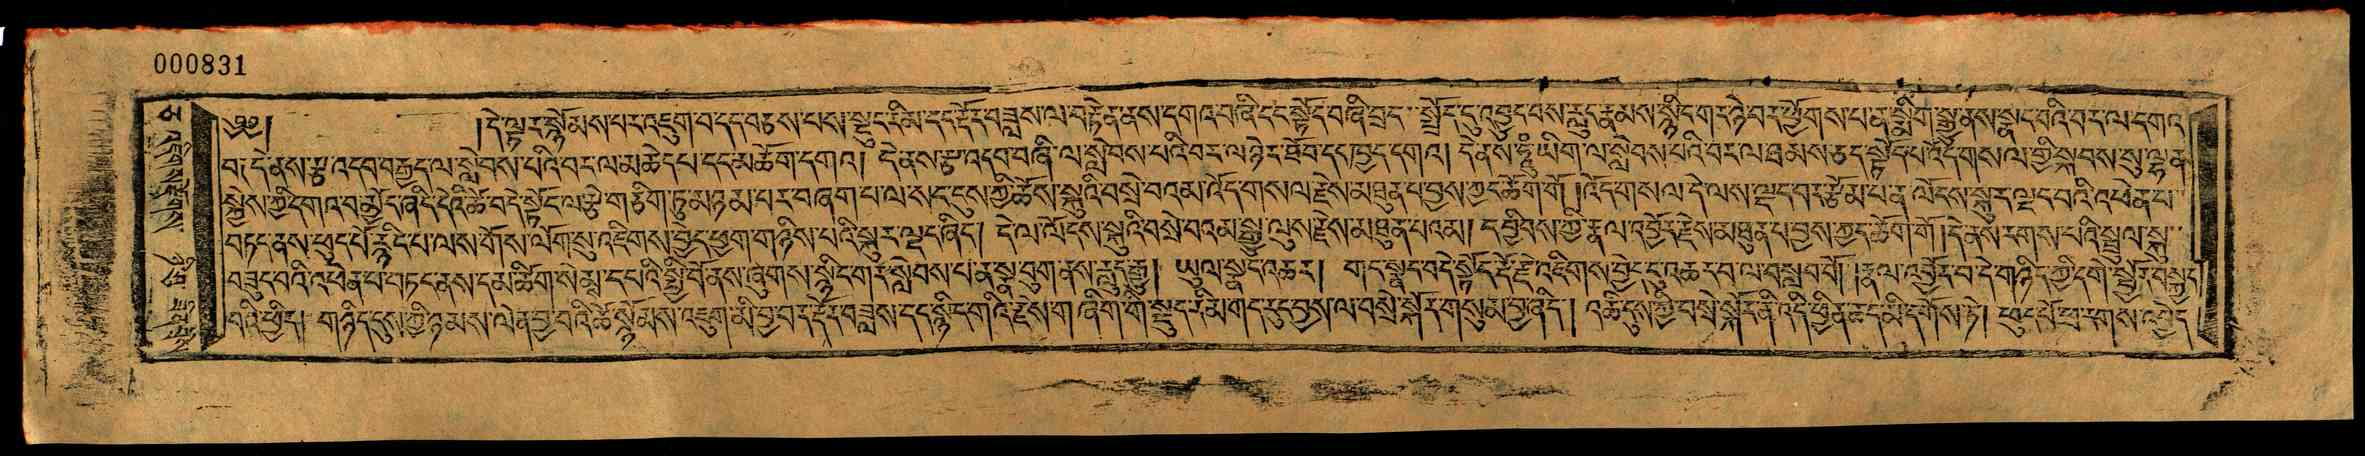༄༅། །དེ་ལྟར་སྙོམས་པར་འཇུག་པ་དང་བཅས་པས་སྡུད་རིམ་དང་རྡོར་བཟླས་ལ་བརྟེན་ནས་དགའ་བཞི་དང་སྟོང་བཞི་བྲང་སྤྲོད་དུ་འབྱུང་བས་རླུང་རྣམས་སྙིང་གར་ཉེ་བར་ཕྱོགས་པ་ན་སྨིག་སྒྱུ་ནས་སྣང་བའི་བར་ལ་དགའ་
བ༑ དེ་ནས་རྩ་འདབ་བརྒྱད་ལ་སླེབས་པའི་བར་ལ་མཆེད་པ་དང་མཆོག་དགའ། དེ་ནས་རྩ་འདབ་བཞི་ལ་སླེབས་པའི་བར་ལ་ཉེར་ཐོབ་དང་ཁྱད་དགའ། དེ་ནས་ཧཱུཾ་ཡིག་ལ་སླེབས་པའི་བར་ལ་ཐམས་ཅད་སྟོང་པ་འདི་གསལ་གྱི་སྐབས་སུ་ལྷན་
སྐྱེས་ཀྱི་དགའ་བ་མྱོང་ཞིང་དེའི་ཚེ་བདེ་སྟོང་ལ་རྩེ་གཅིག་ཏུ་མཉམ་པར་བཞག་པ་ལ་སད་དུས་ཀྱི་ཆོས་སྐུའི་བསྲེ་བའམ་འོད་གསལ་རྗེས་མཐུན་པ་བྱས་ཀྱང་ཆོག་གོ །འོད་གསལ་དེ་ལས་ལྡང་བར་རྩོམ་པ་ན་ལོངས་སྐུར་ལྡང་བའི་འཕེན་པ་
བཏང་ནས་ཕུང་པོ་རྙིང་པ་ལས་གོ་ས་ལོགས་སུ་འཇིགས་བྱེད་ཕྱག་གཉིས་པའི་སྐུར་ལྡང་ཞིང་། དེ་ལ་ལོངས་སྐུའི་བསྲེ་བའམ་སྒྱུ་ལུས་རྗེས་མཐུན་པའམ། དབྱིབས་ཀྱི་རྣལ་འབྱོར་རྗེས་མཐུན་པ་བྱས་ཀྱང་ཆོག་གོ །དེ་ནས་རགས་པའི་སྤྲུལ་སྐུ་
བཟུང་བའི་འཕན་པ་བཏང་ནས་དམ་ཚིག་སེམས་དཔའི་སྤྱི་བོ་ནས་ཞུགས་སྙིང་གར་སླེབས་པ་ན་སྣ་བུག་ནས་རླུང་རྒྱུ། ཡུལ་སྣང་འཆར། གང་སྣང་བདེ་སྟོང་རྡོ་རྗེ་འཇིགས་བྱེད་དུ་འཆར་བ་ལ་བསླབ་བོ། །རྣལ་འབྱོར་པ་དེ་གཉིད་ཀྱི་དགེ་སྦྱོར་བསྐྱང་
པའི་ཕྱིར། གཉིད་དུས་ཀྱི་ཉམས་ལེན་བྱ་བའི་ཚེ་སྙོམས་འཇུག་མི་བྱ་བར་རྡོར་བཟླས་དང་སྙིང་གའི་རྗེས་གཞིག་གི་སྡུད་རིམ་གང་རུང་བྱས་ལ་བསྲེ་སྐོར་གསུམ་བྱ་ཞིང་། འཆི་དུས་ཀྱི་བསྲེ་སྐོར་ནི་འདི་ཕྱིན་ཆད་མི་དགོས་ཏེ། ཕུང་པོ་ཕྲ་རགས་འབྱེད་